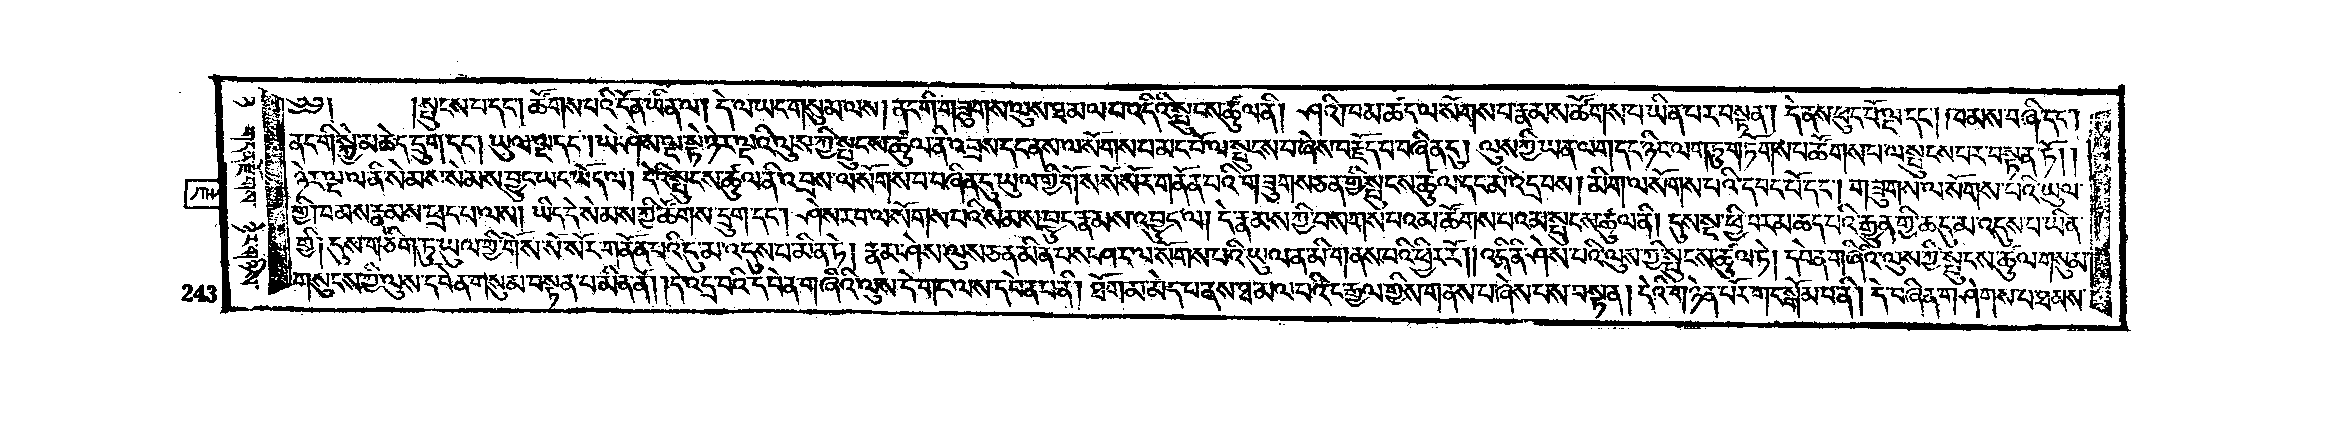༄༅། །སྤུངས་པ་དང་། ཚོགས་པའི་དོན་ཡིན་ལ། དེ་ལ་ཡང་གསུམ་ལས། ནང་གི་གཟུགས་ལུས་ཐ་མལ་པ་འདིའི་སྤུངས་ཚུལ་ནི། ཤའི་ཁམ་ཚད་ལ་སོགས་པ་རྣམས་ཚོགས་པ་ཡིན་པར་བསྟན། དེ་ནས་ཕུང་པོ་ལྔ་དང་། ཁམས་བཞི་དང་།
ནང་གི་སྐྱེ་མཆེད་དྲུག་དང་། ཡུལ་ལྔ་དང་། ཡེ་ཤེས་ལྔ་སྟེ་ཉེར་ལྔའི་ལུས་ཀྱི་སྤུངས་ཚུལ་ནི་འབྲས་དང་ནས་ལ་སོགས་པ་མང་པོ་ལ་སྤུངས་བ་ཞེས་བརྗོད་པ་བཞིན་དུ། ལུས་ཀྱི་ཡན་ལག་དང་ཉིང་ལག་ཏུ་གཏོགས་པ་ཚོགས་པ་ལ་སྤུངས་པར་བསྟན་ཏོ། །
ཉེར་ལྔ་ལ་ནི་སེམས་སེམས་བྱུང་ཡང་ཡོད་ལ། དེའི་སྤུངས་ཚུལ་ནི་འབྲས་ལ་སོགས་པ་བཞིན་དུ་ཡུལ་གྱི་གོ་ས་སོ་སོར་གནོན་པའི་གཟུགས་ཅན་གྱི་སྤུངས་ཚུལ་དང་མི་འདྲ་བས། མིག་ལ་སོགས་པའི་དབང་པོ་དང་། གཟུགས་ལ་སོགས་པའི་ཡུལ་
གྱི་ཁམས་རྣམས་ཕྲད་པ་ལས། ཡིད་དེ་སེམས་ཀྱི་ཚོགས་དྲུག། ཤེས་རབ་ལ་སོགས་པའི་སེམས་བྱུང་རྣམས་འབྱུང་ལ། དེ་རྣམས་ཀྱི་བསགས་པའམ་ཚོགས་པའམ་སྤུངས་ཚུལ་ནི། དུས་སྔ་ཕྱི་བར་མ་ཆད་པའི་རྒྱུན་གྱི་ཆ་དུ་མ་འདུས་པ་ཡིན་
གྱི། དུས་གཅིག་ཏུ་ཡུལ་གྱི་གོ་ས་སོ་སོར་གནོན་པའི་དུ་མ་འདུས་པ་མིན་ཏེ། རྣམ་ཤེས་ལུས་ཅན་མིན་པས་ཤར་ལ་སོགས་པའི་ཡུལ་ན་མི་གནས་པའི་ཕྱིར་རོ། །འདི་ནི་ཤེས་པའི་ལུས་ཀྱི་སྤུངས་ཚུལ་ཏེ། དབེན་གཞིའི་ལུས་ཀྱི་སྤུངས་ཚུལ་གསུམ་
གསུངས་ཀྱི་ལུས་དབེན་གསུམ་བསྟན་པ་མིན་ནོ། །དེ་འདྲ་བའི་དབེན་གཞིའི་ལུས་དེ་གང་ལས་དབེན་པ་ནི། ཐོག་མ་མེད་པ་ནས་ཐ་མལ་པའི་ང་རྒྱལ་གྱིས་གནས་པ་ཞེས་པས་བསྟན། དེའི་གཉེན་པོར་གང་སྒོམ་པ་ནི། དེ་བཞིན་གཤེགས་པ་ཐམས་